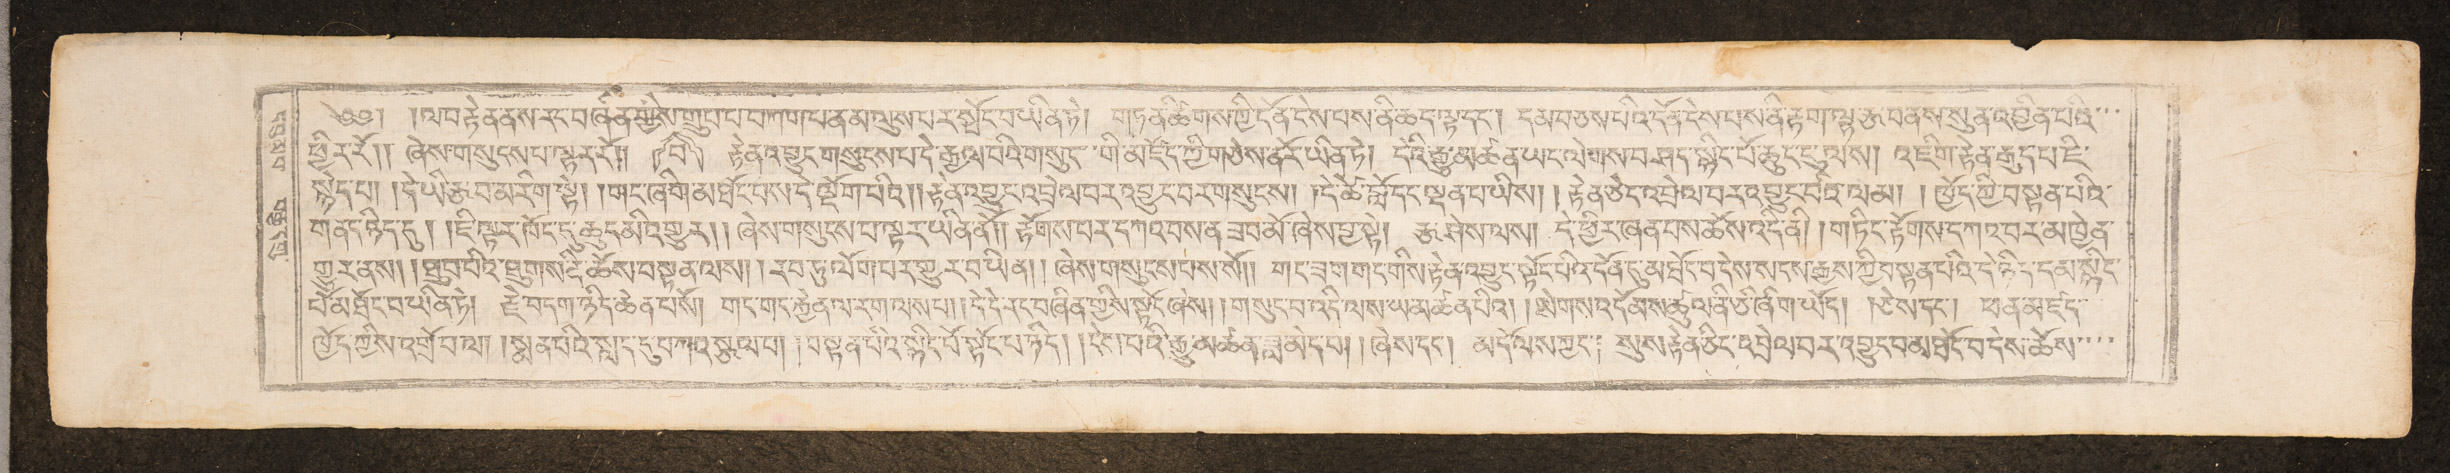༄༅། །ལ་བརྟེན་ནས་རང་བཞིན་གྱིས་གྲུབ་པ་བཀག་པ་ན་མ་ལུས་པར་སྤོང་བ་ཡིན་ཏེ། གཏན་ཚིགས་ཀྱི་དོན་ངེས་པས་ནི་ཆད་ལྟ་དང་། དམ་བཅས་པའི་དོན་དེས་པས་ནི་རྟག་ལྟ་རྩ་བ་ནས་སུན་འབྱིན་པའི་
ཕྱིར་རོ། །ཞེས་གསུངས་པ་ལྟར་རོ།། ༼༽བ༼༽ རྟེན་འབྱུང་གསུངས་པ་དེ་རྒྱལ་བའི་གསུང་གི་མཛོད་ཀྱི་གཅེས་ནོར་ཡིན་ཏེ། དེའི་རྒྱུ་མཚན་ཡང་ལེགས་བཤད་སྙིང་པོ་ཆུང་དུ་ལས། འཇིག་རྟེན་རྒུད་པ་ཇི་
སྙེད་པ། །དེ་ཡི་རྩ་བ་མ་རིག་སྟེ། །གང་ཞིག་མཐོང་བས་དེ་ལྡོག་པའི། །རྟེན་འབྱུང་འབྲེལ་བར་འབྱུང་བར་གསུངས། །དེ་ཚེ་བློ་དང་ལྡན་པ་ཡིས། །རྟེན་ཅིང་འབྲེལ་བར་འབྱུང་བའི་ལམ། །ཁྱོད་ཀྱི་བསྟན་པའི་
གནད་ཉིད་དུ། །ཇི་ལྟར་ཁོང་དུ་ཆུད་མི་འགྱུར། །ཞེས་གསུངས་པ་ལྟར་ཡིན་ནོ། །རྟོགས་པར་དཀའ་བས་ན་ཟབ་མོ་ཞེས་བྱ་སྟེ། རྩ་ཤེས་ལས། དེ་ཕྱིར་ཞེན་པས་ཆོས་འདི་ནི། །གཏིང་རྟོགས་དཀའ་བར་མཁྱེན་
གྱུར་ནས། །ཐུབ་པའི་ཐུགས་ནི་ཆོས་བསྟན་ལས། །རབ་ཏུ་ལོག་པར་གྱུར་བ་ཡིན། །ཞེས་གསུངས་པས་སོ། །གང་ཟག་གང་གིས་རྟེན་འབྱུང་སྟོང་པའི་དོན་དུ་མཐོང་བ་དེས་སངས་རྒྱས་ཀྱི་བསྟན་པའི་དེ་ཉིད་དམ་སྙིང་
པོ་མཐོང་བ་ཡིན་ཏེ། རྗེ་བདག་ཉིད་ཆེན་པོས། གང་གང་རྐྱེན་ལ་རག་ལས་པ། །དེ་དེ་རང་བཞིན་གྱིས་སྟོང་ཞེས། །གསུང་པ་འདི་ལས་ཡ་མཚན་པའི་ལེགས་འདོམས་ཚུལ་ནི་ཅི་ཞིག་ཡོད། །ཅེས་དང་། ཕན་མཛད་
ཁྱོད་ཀྱིས་འགྲོ་བ་ལ། །སྨན་པའི་སླད་དུ་བཀའ་སྩལ་བ། །བསྟན་པའི་སྙིང་པོ་སྟོང་པ་ཉིད། །དེས་པའི་རྒྱུ་མཚན་ཟླ་མེད་པ། །ཞེས་དང་། མདོ་ལས་ཀྱང་། སུས་རྟེན་ཅིང་འབྲེལ་བར་འབྱུང་བ་མཐོང་བ་དེས་ཆོས་